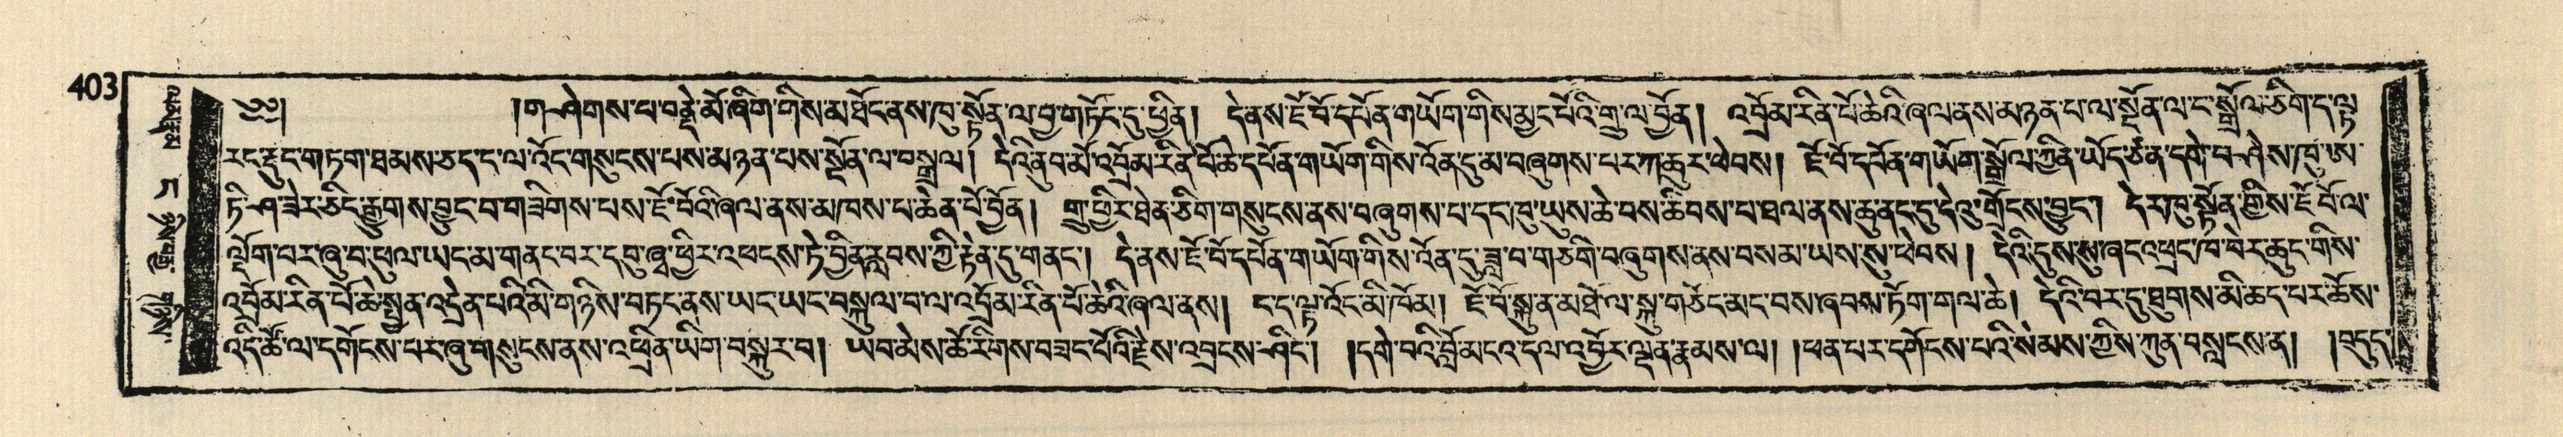༄༅། །གཤེགས་པ་བནྡེ་མོ་ཞིག་གིས་མཐོང་ནས་ཁུ་སྟོན་ལ་བྱ་གཏོང་དུ་ཕྱིན། དེ་ནས་ཇོ་བོ་དཔོན་གཡོག་གིས་མྱང་པོའི་གྲུ་ལ་བྱོན། འབྲོམ་རིན་པོ་ཆེའི་ཞལ་ནས་མཉན་པ་ལ་སྔོན་ལ་ང་སྒྲོལ་ཅིག་ད་ལྟ་
རང་རྡུང་གཏག་ཐམས་ཅད་ང་ལ་འོང་གསུངས་པས་མཉན་པས་སྔོན་ལ་བསྒྲལ། དེའི་ནུབ་མོ་འབྲོམ་རིན་པོ་ཆེ་དཔོན་གཡོག་གིས་འོན་དུ་མ་བཞུགས་པར་ཀ་ཆུར་ཕེབས། ཇོ་བོ་དཔོན་གཡོག་སྒྲོལ་ཀྱིན་ཡོད་ཙ་ན་དགེ་བཤེས་ཁུ་ཨ་
ཏི་ཤ་ཟེར་ཅིང་རྒྱུགས་བྱུང་བ་གཟིགས་པས་ཇོ་བོའི་ཞལ་ནས་མཁས་པ་ཆེན་པོ་བྱོན། གྲུ་ཕྱིར་ཐེན་ཅིག་གསུངས་ནས་བཞུགས་པ་དང་ཁུ་ཡུས་ཆེ་བས་ཆིབས་པ་ཐལ་ནས་ཆུ་ནང་དུ་དེའུ་གྲོངས་བྱུང་། དེར་ཁུ་སྟོན་གྱིས་ཇོ་བོ་ལ་
ལྡོག་པར་ཞུ་བ་ཕུལ་ཡང་མ་གནང་བར་དབུ་ཞྭ་ཕྱིར་འཕངས་ཏེ་བྱིན་རླབས་ཀྱི་རྟེན་དུ་གནང་། དེ་ནས་ཇོ་བོ་དཔོན་གཡོག་གིས་འོན་དུ་ཟླ་བ་གཅིག་བཞུགས་ནས་བསམ་ཡས་སུ་ཕེབས། དེའི་དུས་སུ་ཞང་འཕྲང་ཁ་བེར་ཆུང་གིས་
འབྲོམ་རིན་པོ་ཆེ་སྤྱན་འདྲེན་པའི་མི་གཉིས་བཏང་ནས་ཡང་ཡང་བསྐུལ་བ་ལ་འབྲོམ་རིན་པོ་ཆེའི་ཞལ་ནས། ང་ད་ལྟ་འོང་མི་ཁོམ། ཇོ་བོ་སྐུ་ན་མཐོ་ལ་སྐུ་གཅོང་མང་བས་ཞབས་ཏོག་གལ་ཆེ། དེའི་བར་དུ་ཐུགས་མི་ཆད་པར་ཆོས་
འདི་ཚོ་ལ་དགོངས་པར་ཞུ་གསུངས་ནས་འཕྲིན་ཡིག་བསྐུར་བ། ཡབ་མེས་ཆོ་རིགས་བཟང་པོའི་རྗེས་འབྲངས་ཤིང་། །དགེ་བའི་བློ་མངའ་དལ་འབྱོར་ལྡན་རྣམས་ལ། །ཕན་པར་དགོངས་པའི་སེམས་ཀྱིས་ཀུན་བསླངས་ན། །བདུད་